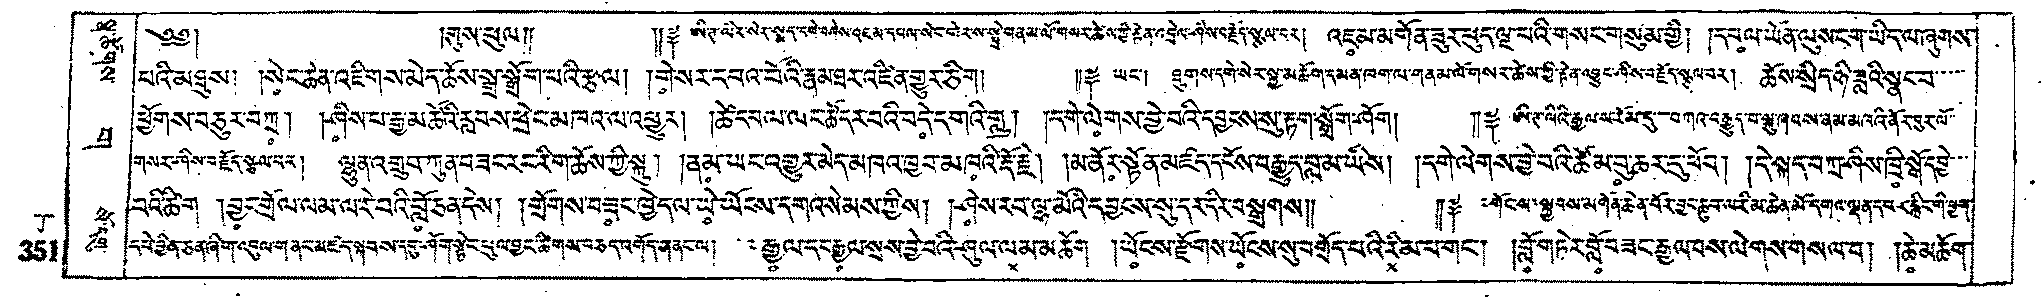༄༅། །གུས་ཕུལ།། །།འ་ཨི་ཊ་ལིར་སེར་སྨད་དགེ་བཤེས་འཇམ་དཔལ་སེང་གེར་ས་སྤྲེ་གནམ་ལོ་གསར་ཚེས་ཀྱི་རྟེན་འབྲེལ་ཤིས་བརྗོད་སྩལ་བར། འཇམ྾་མགོན་ཟུར་ཕུད་ལྔ་པའི་གསང་གསུམ་གྱི། །དཔལ྾་ཡོན་ལུས་ངག་ཡིད་ལ་ཞུགས་
པའི་མཐུས། །སེང྾་ཆེན་འཇིགས་མེད་ཆོས་སྒྲ་སྒྲོག་པའི་རྩལ། །གེ྾་སར་དཔའ་བོའི་རྣམ་ཐར་འཛིན་གྱུར་ཅིག། །།འ་ཡང་། ཐུགས་དགེ་སེར་སྐྱ་མཆོག་དམན་ཁག་ལ་གནམ་ལོ་གསར་ཚེས་ཀྱི་རྟེན་འབྱུང་ཤིས་བརྗོད་སྩལ་བར།  ཆོས་སྲིད་ཉི་ཟླའི་སྣང་བ་་་
ཕྱོགས་བཅུར་བཀྲ྾། །ཤིས྾་པ་རྒྱ་མཚོའི་རླབས་ཕྲེང་མཁའ་ལ་འཕྱུར། །ཚེ་དཔལ་ལང་ཚོ་དར་བའི་བདེ྾་དགའི་གླུ། །དགེ་ལེགས྾་བྱེ་བའི་དབྱངས་སུ་རྟག་སྒྲོག་ཤོག། །།འ་ཨི་ཊ་ལིའི་རྒྱལ་ས་རོམ་དུ་་་བཀའ་བརྒྱུད་པ་སྐུ་ཞབས་ནམ་མཁའི་ནོར་བུར་ལོ་་་
གསར་ཤིས་བརྗོད་སྩལ་བར། ལྷུན་འགྲུབ་ཀུན་བཟང་རང་རིག་ཆོས་ཀྱི་སྐུ། །ནམ྾་ཡང་འགྱུར་མེད་མཁའ་ཁྱབ་མཁའི྾་རྡོ་རྗེ། །མ་ནོར྾་སྟོན་མཛད་དངོས་བརྒྱུད་བླ་མ་ཡིས། །དགེ་ལེགས་བྱེ་བའི་ཚོམ་བུ྾་ཆར་དུ་ཕོབ། །དེ་སྐད་བཀྲ་ཤིས་ཁྲི྾་སྒོ་དབྱེ་་་
བའི་ཚིག །བྱང྾་གྲོལ་ལམ་ལ་རེ་བའི་བློ྾་ཅན་དེས། །གྲོགས་བཟང྾་ཁྱེད་ལ་ཡེ྾་ཡོངས་དགའ་སེམས་ཀྱིས། །ཤེས྾་རབ་ལྷ་མོའི་དབྱངས་སུ་དར་དིར་བསྒྲགས།། །།འ ༧གོང་ས ༧སྐྱབས་མགོན་ཆེན་པོར་བྱང་ཆུབ་ལ་རིམ་ཆེན་མོ་དགའ་ལྡན་དཔར་རྙིང་གི་ཕྱག་
དཔེ་བྱིན་ཅན་ཞིག་འབུལ་གནང་མཛད་སྐབས་དབུ་ཤོག་སྟེང་ཕུལ་བྱང་ཚིགས་བཅད་འགོད་གནང་ལ། ༧རྒྱལ྾་དང་རྒྱལ྾་སྲས་བྱེ་བའི་ཤུལ་ལམ྾་མཆོག །ཡོངས྾་རྫོགས་ཡོངས྾་སུ་བགྲོད་པའི་རིམ྾་པ་གང་། །བློ྾་གཏེར་བློ྾་བཟང་རྒྱལ་བས་ལེགས་གསལ་བ། །ཆེ྾་མཆོག་